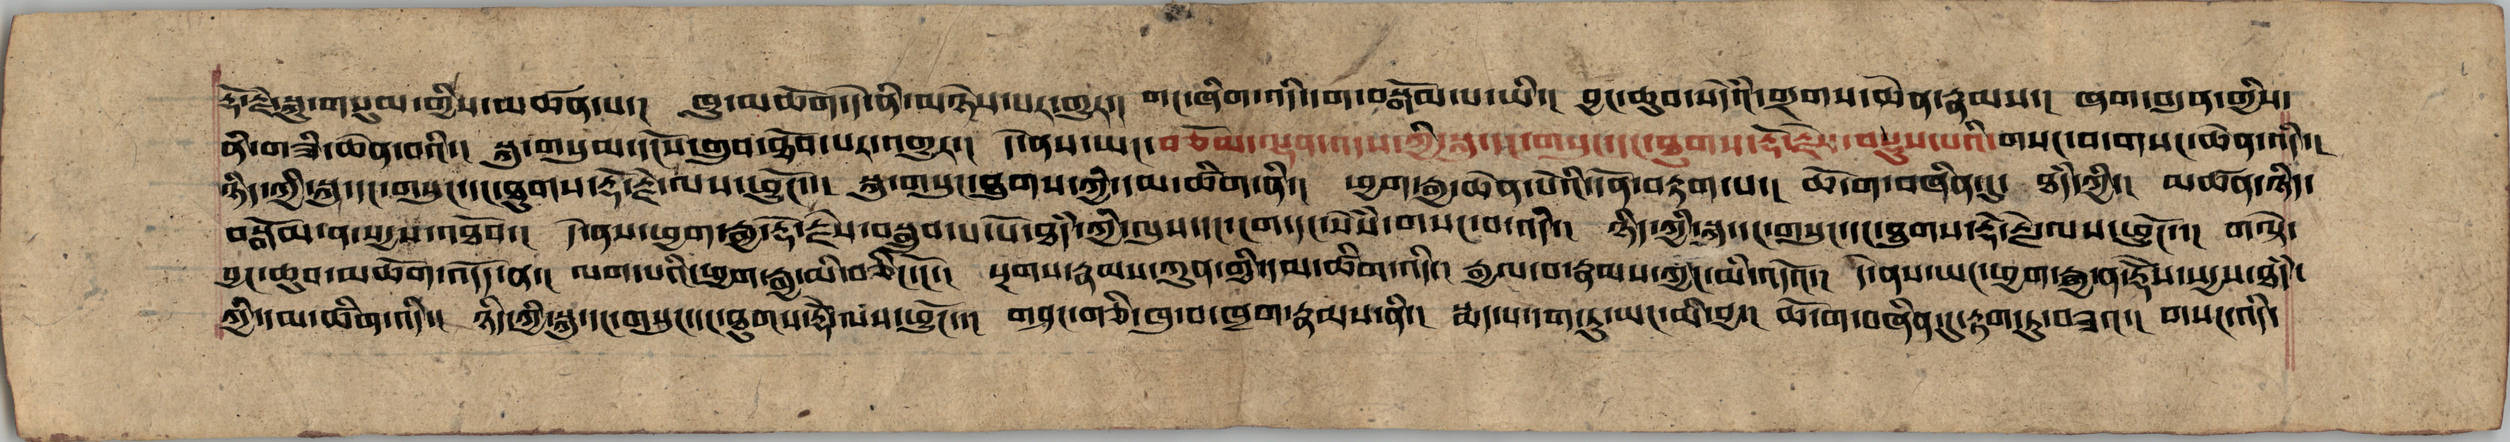རྡོ་རྗེ་སྐུ་གསུམ་གྱིས་མཚན་པ་། ཁྱུ་མཆོག་དེ་ནི་མཉེས་པར་གྱུར་། གང་ཞིག་འདི་དག་བསྒོམ་པ་ཡི་། བྱང་ཆུབ་སེདཾའ་གྲགས་ཆེན་རྣམས་། ཞག་བདུན་གྱིས་
ནི་གཟི་ཆེན་བའི་། སྐུ་གསུམ་དངོས་གྲུབ་ཐོབ་པར་འགྱུར་། དེ་ནས་ཡང་བཅོམ་ལྡན་འདས་ཀྱི་སྐུ་དང་གསུང་དང་ཐུགས་རྡོ་རྗེས་བསྡུས་པའི་གསང་བ་གསང་ཆེན་འདི་།
ཉིད་ཀྱི་སྐུ་དང་གསུང་དང་ཐུགས་རྡོ་རྗེ་ལས་ཕྱུངོ་་། སྐུ་གསུང་ཐུགས་ཀྱི་དམ་ཚིག་ནི་། ཕྱག་རྒྱ་ཆེན་པོའི་དོན་བརྟག་པ་། ཆོ་ག་བཞིན་དུ་ ཐཾད་ཀྱི་། མཚན་ཉིད་
བསྒོམ་ན་སདྱས་འཐོབ་། དེ་ནས་ཕྱག་རྒྱ་རྡོ་རྗེས་བསྒྲུབ་པ་པོ་ཐཾད་ཀྱི་ལུས་དང་ངག་དང་སེཾས་གསང་བ་འདི་། ཉིད་ཀྱི་སྐུ་དང་གསུང་དང་ཐུགས་རྡོ་རྗེ་ལས་ཕྱུངོ་། གལྟེ་
བྱང་ཆུབ་མཆོག་འདོད་ན་། ལག་པའི་ཕྱག་རྒྱ་མི་བཅིང་ངོ་། སྔགས་རྣམས་ཀུན་གྱི་དམ་ཚིག་འདི་། རྒྱལ་བ་རྣམས་ཀྱང་མི་འདའོ་། དེ་ནས་ཡང་ཕྱག་རྒྱ་ན་རྡོེས་སདྱས་ཐཾད་
ཀྱི་དམ་ཚིག་འདི་། ཉིད་ཀྱི་སྐུ་དང་གསུང་དང་ཐུགས་རྡོེ་ལས་ཕྱུངོ་་། གཤང་གཅི་ཁུ་བ་ཁྲག་རྣམས་ནི་། སྨད་པ་དག་ཏུ་ཡང་མི་བྱ་། ཆོ་ག་བཞིན་དུ་རྟག་ཏུ་བཟའ་། གསང་འདི་